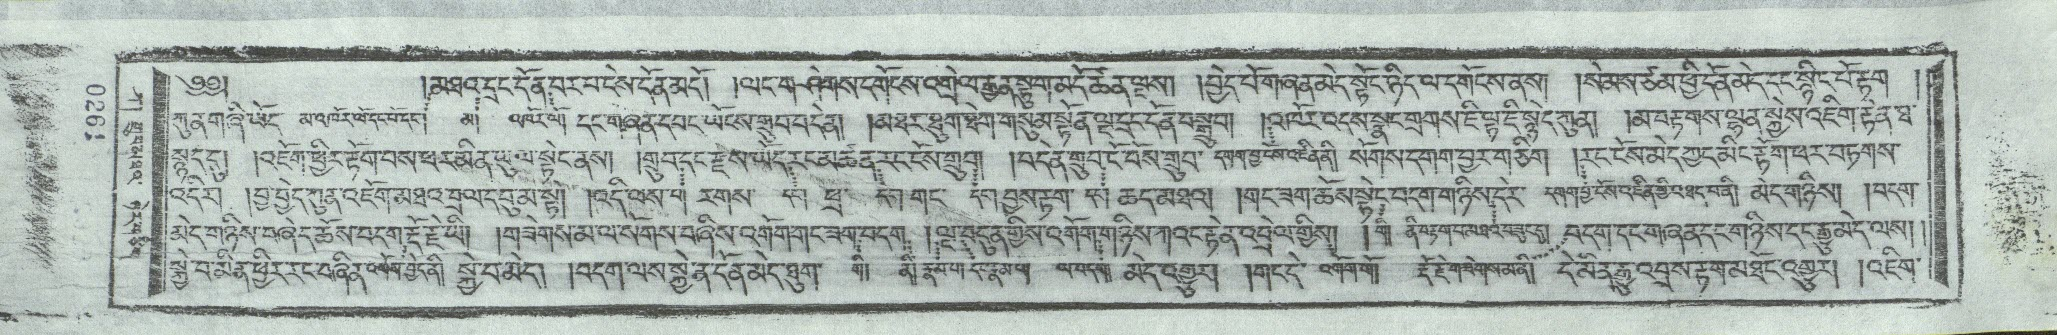༄༅། །མཐའ་དྲང་དོན་བར་བ་ངེས་དོན་མདོ། །ལང་གཤེགས་དགོངས་འགྲེལ་རྒྱན་སྟུག་མདོ་ཚན་ལྔས། །བྱེད་པོ་གཞན་མེད་སྟོང་ཉིད་ལ་དགོངས་ནས། །སེམས་ཙམ་ཕྱི་དོན་མེད་དང་སྙིང་པོ་རྟག།
ཀུན་གཞི་ཡོད་མ་འཁོར་ལོ་དང་པོ་དང་། མ། འཁོར་ལོ། དང་གཞན་དབང་ཡོངས་གྲུབ་བདེན། །མཐར་ཐུག་ཐེག་གསུམ་སྟོན་ལྔ་དྲང་དོན་བསྒྲུབ། །འཁོར་འདས་སྣང་གྲགས་ཇི་ལྟ་ཇི་སྙེད་ཀུན། །མ་བརྟགས་ལྷན་སྐྱེས་འཇིག་རྟེན་?
སྙད་དུ། འཇོག་བྱིར་རྟོག་བས་ཕར་མིན་ཡུལ་སྟེང་ནས། །གྲུབ་དང་རྫས་ཡོད་རང་མཚན་རང་ངོས་གྲུབ། །བདེན་གྲུབ་ངོ་བོས་གྲུབ་དཔག?་བྱ་ངོས་འཛིན་ནི། སོགས་དགག་བྱར་གཅིག །རང་ངོས་མེད་ཀྱང་མིང་རྟོག་པར་བཏགས་
འདིར། །བྱ་བྱེད་ཀུན་འཇོག་མཐའ་བྲལ་དབུ་མ་སྟེ། །འདི་ལས་?་རགས་ཤ་པྲ་དང?། གང་དག་བྱས་རྟག་དགེ་ཆད་མཐའ། །གང་ཟག་ཆོས་སྟེང་བདག་གཉིས་དེར་དགག་བྱ་ངོས་འཛིན་གྱི་འཐད་པ་ནི། མེད་གཉིས། བདག་
མེད་གཉིས་བཞེད་ཆོས་བདག་རྡོ་རྗེ་ཡི། །གཟེགས་མ་ལ་སོགས་བཞིས་འགོག་གང་ཟག་བདག །ལྔ་བདུན་གྱིས་འགོག་གཉིས་ཀའང་རྟེན་འབྲེལ་གྱིས། ནི་ལ་བརྟག?་པ་མཐའ་བཟུང?་དུ། བདག་དང་གཞན་དང་གཉིས་དང་རྒྱུ་མེད་ལ། །
སྐྱེ་བ་མིན་ཕྱིར་རང་བཞིན་འགོག་བྱེད་ནི། སྐྱེ་བ་མེད། །བདག་ལས་སྐྱེ་ན་དོན་མེད་ཐུག་གི། ནི། རྣམ་པ། གད་རྣམས་ལ་བདག་མེད་འགྱུར། །གང་དེ་?་རྡོ་རྗེ་གཤེགས་ནི་དེ་མིན་རྒྱུ་འབྲས་རྟག་མཐོང་འགྱུར། །འཇིག་